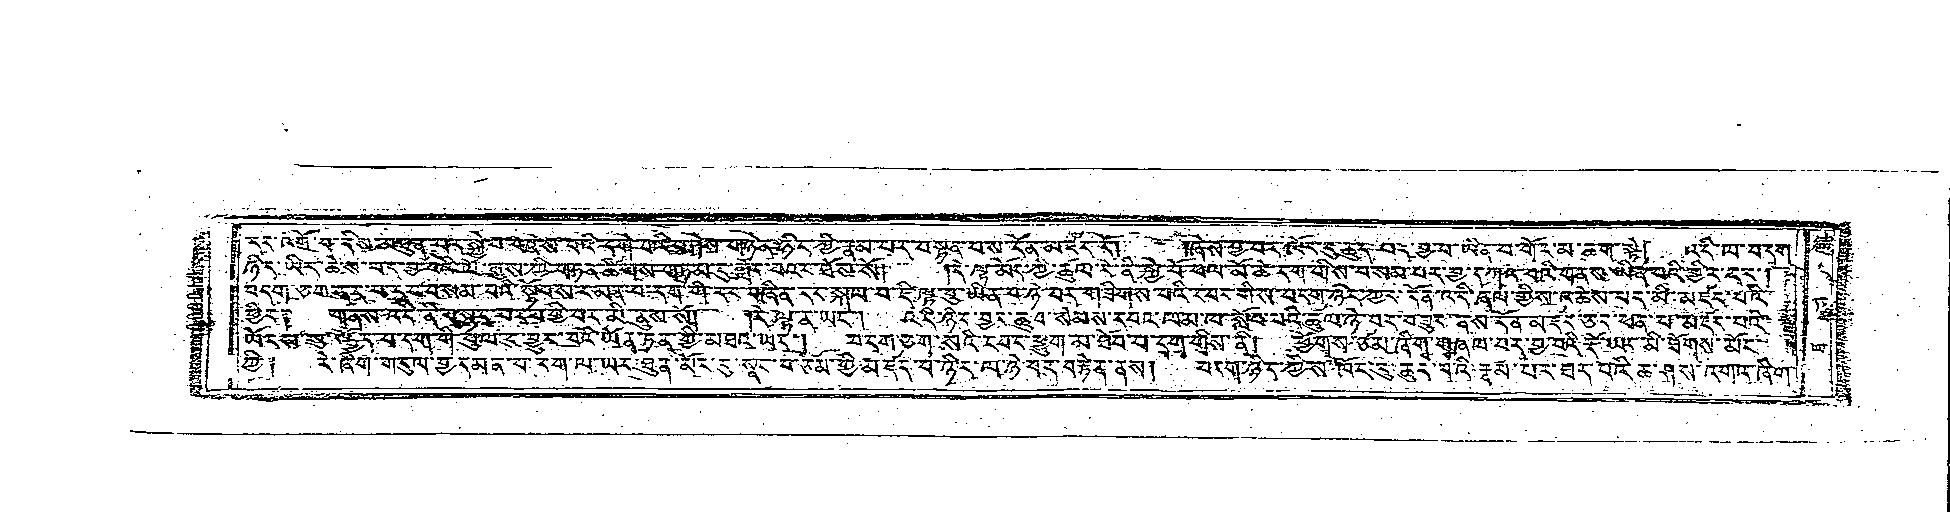དང་འགྲོ་བ་རིས་མཐུན་པར་སྐྱེ་བ་བཞེས་པའི་དགེ་བའི་བཤེས་གཉེན་ཉིད་ཀྱི་རྣམ་པར་བསྟན་པས་དོན་མཛད་དོ། །ཞེས་བྱ་བར་ཁོང་དུ་ཆུད་པར་བྱ་བ་ཡིན་པ་གོར་མ་ཆག་སྟེ། འདི་ལ་བདག་
ཉིད་ཡིད་ཆེས་པར་བྱ་བའི་ལོ་རྒྱུས་ཀྱི་གཏན་ཚིགས་གཏམ་དུ་གླེང་བའང་ཐོས་སོ། །དེ་ལྟ་མོད་ཀྱི་ཚུལ་དེ་ནི་སྐྱེ་བོ་ཕལ་མོ་ཆེ་དག་གིས་བསམ་པར་བྱ་དཀའ་བའི་གནས་ཡིན་པའི་ཕྱིར་དང་།
བདག་ཅག་དང་པ་དང་བསམ་པའི་སྟོབས་དམན་པ་དག་གི་རང་བཞིན་དང་སྐལ་བ་ཇི་ལྟ་བུ་ཡིན་པ་ཉེ་བར་གཟིགས་པའི་དབང་གིས་བདག་ཉིད་ཀྱང་དོན་འདི་ཞལ་གྱིས་འཆེས་པར་མི་མཛད་པའི་
ཕྱིར༑ གནས་འདི་ནི་བསྙད་བར་བགྱི་བར་མི་ནུས་སོ། །དེ་ལྟ་ན་ཡང་། འདི་ཉིད་བྱང་ཆུབ་སེམས་དཔའ་ལམ་ལ་སློབ་པའི་ཚུལ་ཉེ་བར་བཟུང་ནས་དོན་མཛད་ཅིང་ཕན་པ་མཛད་པའི་
ཡོངས་སུ་སྤྱོད་པ་དག་གི་ཕུལ་དུ་བྱུང་བའི་ཡོན་ཏན་གྱི་མཐའ་ཡང་། བདག་ཅག་སའི་དབང་ཕྱུག་མ་ཐོབ་པ་དག་གིས་ནི། ཕྱོགས་ཙམ་ཞིག་གཞལ་བར་བྱ་བའི་རྡོ་ཡང་མི་ཐོགས་མོང་
ཀྱི༑ རེ་ཞིག་གདུལ་བྱ་དམན་པ་དག་ལ་ཡང་ཐུན་མོང་དུ་སྣང་བ་ཙམ་གྱི་མཛད་པ་ཉིད་ལ་ཉེ་བར་བརྟེན་ནས། བདག་ཉིད་ཀྱིས་ཁོང་དུ་ཆུད་པའི་རྣམ་པར་ཐར་པའི་ཆ་ཤས་འགའ་ཞིག་